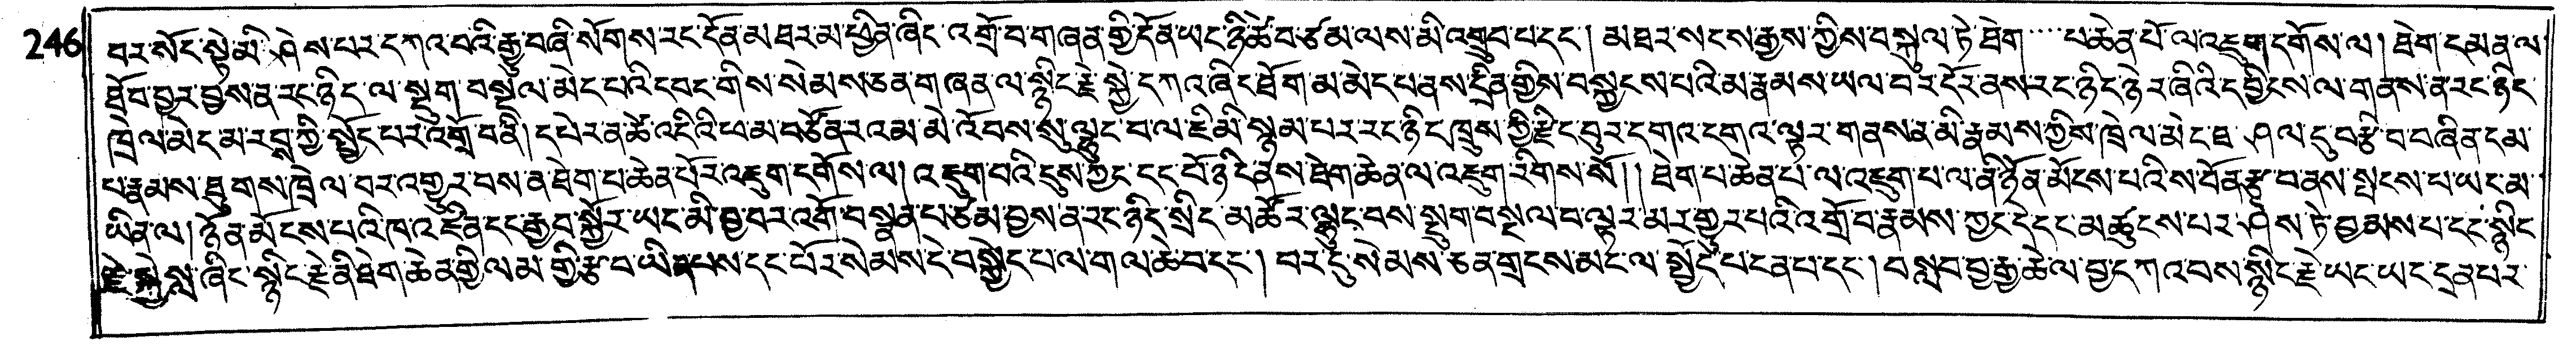བར་སོང་སྟེ་མི་ཤེས་པར་དཀའ་བའི་རྒྱུ་བཞི་སོགས་རང་དོན་མཐར་མ་ཕྱིན་ཞིང་འགྲོ་བ་གཞན་གྱི་དོན་ཡང་ཉི་ཚེ་བ་ཙམ་ལས་མི་འགྲུབ་པ་དང་། མཐར་སངས་རྒྱས་ཀྱིས་བསྐུལ་ཏེ་ཐེག་པ་ཆེན་པོ་ལ་འཇུག་དགོས་ལ། ཐེག་དམན་ལ་
ཐོབ་བྱར་བྱས་ན་རང་ཉིད་ལ་སྡུག་བསྔལ་མེད་པའི་དབང་གིས་སེམས་ཅན་གཞན་ལ་སྙིང་རྗེ་སྐྱེ་དཀའ་ཞིང་ཐོག་མ་མེད་པ་ནས་དྲིན་གྱིས་བསྐྱངས་པའི་མ་རྣམས་ཡལ་བར་དོར་ནས་རང་ཉིད་ཉེར་ཞིའི་དབྱིངས་ལ་གནས་ན་རང་ཉིད་
ཁྲེལ་མེད་མ་རབས་ཀྱི་སྤྱོད་པར་འགྲོ་བ་ནི། དཔེར་ན་ཚེ་འདིའི་ཕ་མ་བཙོན་རའམ་མེ་འོབས་སུ་ལྷུང་བ་ལ་ཇི་མི་སྙམ་པར་རང་ཉིད་ཁྲུས་ཀྱི་རྫིང་བུར་དགའ་དགའ་ལྟར་གནས་ན་མི་རྣམས་ཀྱིས་ཁྲེལ་མེད་ཐ་ཤལ་དུ་བརྩི་བ་བཞིན་དམ་
པ་རྣམས་ཐུགས་ཁྲེལ་བར་འགྱུར་བས་ན་ཐེག་པ་ཆེན་པོར་འཇུག་དགོས་ལ། འཇུག་པའི་དུས་ཀྱང་དང་པོ་ཉིད་ནས་ཐེག་ཆེན་ལ་འཇུག་རིགས་སོ། །ཐེག་པ་ཆེན་པ་ལ་འཇུག་པ་ལ་ནི་ཉོན་མོངས་པའི་ས་བོན་རྩ་བ་ནས་སྤངས་པ་ཡང་མ་
ཡིན་ལ། ཉོན་མོངས་པའི་ཁ་འཛིན་དང་རྒྱབ་སྐྱོར་ཡང་མི་བྱ་བར་འགོ་བསྣན་པ་ཙམ་བྱས་ན་རང་ཉིད་སྲིད་མཚོར་ལྷུང་བས་སྡུག་བསྔལ་བ་ལྟར་མར་གྱུར་པའི་འགྲོ་བ་རྣམས་ཀྱང་དེ་དང་མཚུངས་པར་ཤེས་ཏེ་བྱམས་པ་དང་སྙིང་
རྗེ་སྐྱེ་སླ་ཞིང་སྙིང་རྗེ་ནི་ཐེག་ཆེན་གྱི་ལམ་གྱི་རྩ་བ་ཡིན་པས་དང་པོར་སེམས་དེ་བསྐྱེད་པ་ལ་གལ་ཆེ་བ་དང་། བར་དུ་སེམས་ཅན་གྲངས་མང་ལ་སྤྱོད་པ་ངན་པ་དང་། བསླབ་བྱ་རྒྱ་ཆེ་ལ་བྱ་དཀའ་བས་སྙིང་རྗེ་ཡང་ཡང་དྲན་པར་